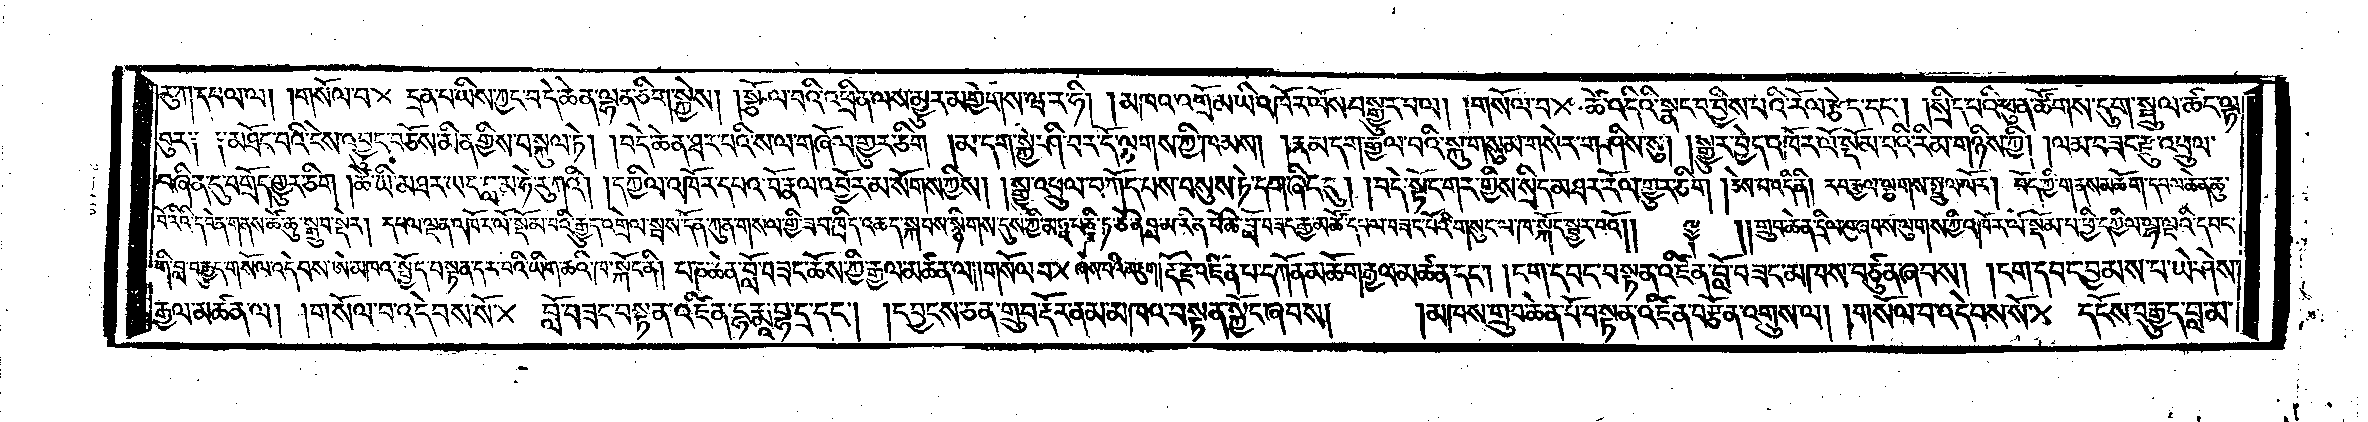རུ་ཀ་དཔལ་ལ། །གསོལ་བ་྾་དྲན་པ་ཡིས་ཀྱང་བདེ་ཆེན་ལྷན་ཅིག་སྐྱེས། །སྩོལ་བའི་འཕྲིན་ལས་མྱུར་མགྱོགས་ཝར་ཧི། །མཁའ་འགྲོ་མ་ཡི་འཁོར་ལོས་བསྒྱུར་བ་ལ། །གསོལ་བ་྾་ཚེ་འདིའི་སྣང་བ་བྱིས་པའི་རོལ་རྩེད་དང་། །སྲིད་པའི་ཕུན་ཚོགས་དུག་སྦྲུལ་ཚང་ལྟ་
བུར༑ ༑མཐོང་བའི་ངེས་འབྱུང་བཅོས་མིན་གྱིས་བསྐུལ་ཏེ། །བདེ་ཆེན་ཐར་བའི་ས་ལ་གཞོལ་གྱུར་ཅིག །མ་དག་སྐྱེ་ཤི་བར་དོ་ལྕགས་ཀྱི་ཁམས། །རྣམ་དག་རྒྱལ་བའི་སྐུ་གསུམ་གསེར་གཤིས་སུ། །སྒྱུར་བྱེད་འཁོར་ལོ་སྡོམ་པའི་རིམ་གཉིས་ཀྱི། །ལམ་བཟང་རྫུ་འཕྲུལ་
བཞིན་དུ་བགྲོད་གྱུར་ཅིག །ཚེ་ཡི་མཐར་ཡང་བླ་མ་ཧེ་རུ་ཀའི། །དཀྱིལ་འཁོར་དཔའ་བོ་རྣལ་འབྱོར་མ་སོགས་ཀྱིས། །སྒྱུ་འཕྲུལ་བཀོད་པས་བསྡུས་ཏེ་དག་ཞིང་དུ། །བདེ་སྟོང་གར་གྱིས་སྲིད་མཐར་རོལ་གྱུར་ཅིག །ཅེ་བ་འདི་ནི། རབ་རྒྱལ་ལྕགས་སྤྲུལ་ལོར། བོད་ཀྱི་གནས་མཆོག་དཔལ་ཆེན་ཆུ་
བོ་རིའི་དབེན་གནས་ཚེ་ཆུ་སྒྲུབ་སྡེར། དཔལ་ལྡན་འཁོར་ལོ་སྡོམ་བའི་རྒྱུད་འགྲེལ་སྦས་དོན་ཀུན་གསལ་གྱི་ཟབ་ཁྲིད་འཆད་སྐབས་སྙིགས་དུས་ཀྱི་མཧཱ་པཎྜི་ཏ་ཙེ་ནི་བླ་མ་རིན་པོ་ཆེ་བློ་བཟང་རྒྱ་མཚོ་དཔལ་བཟང་པོའི་གསུང་ལ་ཁ་སྐོང་སྦྱར་བའོ།། ༈ །།གྲུབ་ཆེན་དྲིལ་བུ་ཞབས་ལུགས་ཀྱི་འཁོར་ལོ་སྡོམ་པ་ཕྱི་དཀྱིལ་ལྷ་ལྔའི་དབང་
གི་བླ་བརྒྱུད་གསོལ་འདེབས་ཨེ་མཁའ་སྤྱོད་བསྟན་དར་བའི་ཡིག་ཆའི་ཁ་སྐོང་ནི། པཎ་ཆེན་བློ་བཟང་ཆོས་ཀྱི་རྒྱལ་མཚན་ལ། །གསོལ་བ་྾་ཞེས་བའི་མཇུག་།རྡོ་རྗེ་འཛིན་པ་དཀོན་མཆོག་རྒྱལ་མཚན་དང་། །ངག་དབང་བསྟན་འཛིན་བློ་བཟང་མཁས་བཙུན་ཞབས། །ངག་དབང་བྱམས་པ་ཡེ་ཤེས་
རྒྱལ་མཚན་ལ། །གསོལ་བ་འདེབས་སོ་྾་བློ་བཟང་བསྟན་འཛིན་དྷརྨཱ་བྷ་དྲ་དང་། དབྱངས་ཅན་གྲུབ་རྡོར་ནམ་མཁའ་བསྟན་སྐྱོང་ཞབས། །མཁས་གྲུབ་ཆེན་པོ་བསྟན་འཛིན་བརྩོན་འགྲུས་ལ། །གསོལ་བ་འདེབས་སོ་྾་དངོས་བརྒྱུད་བླ་མ་